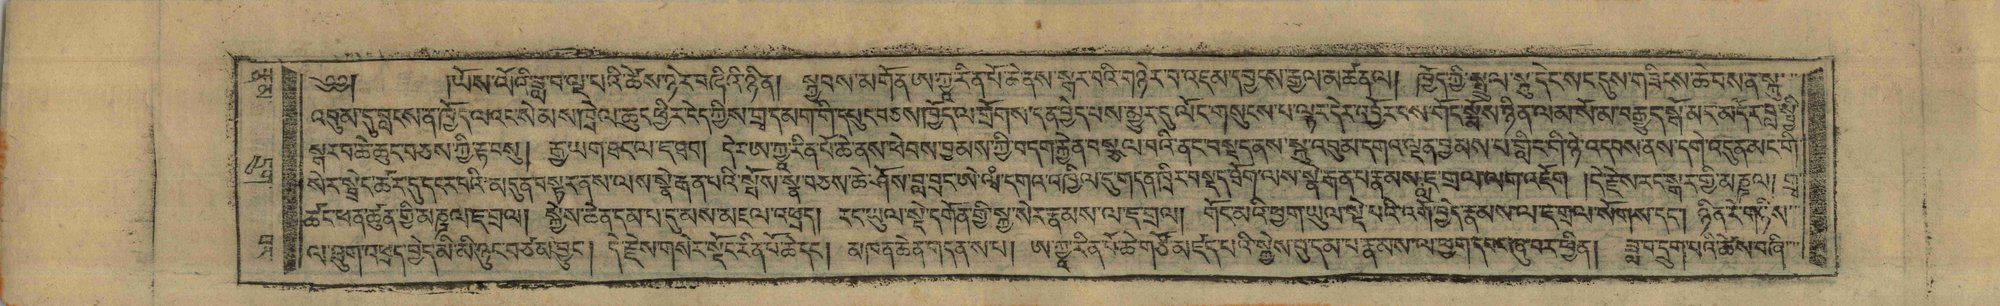༄༅། །ཡོས་ལོའི་ཟླ་བ་ལྔ་པའི་ཚེས་ཉེར་བཞིའི་ཉིན། སྐྱབས་མགོན་ཨ་ཀྱཱ་རིན་པོ་ཆེ་ནས་སྒར་བའི་གཉེར་བ་འཇམ་དབྱངས་རྒྱལ་མཚན་ལ། ཁྱོད་ཀྱི་སྤྲུལ་སྐུ་དེང་སང་དུས་གཟིངས་ཆེ་བས་ན་སྐུ་
འབུམ་དུ་བླངས་ན་ཁྱོད་ལའང་སེམས་ཁྲེལ་ཆུང་ཕྱིར་ངེད་ཀྱིས་གྲྭ་དམག་གི་དཔུང་བཅས་ཁྱོད་ལ་གྲོགས་ངན་བྱེད་པས་མྱུར་དུ་ལོང་གསུངས་པ་ལྟར་དེར་འབྱོར་བས་གོང་སྨོས་ཉིན་ལམ་སོ་མ་བརྒྱུད་སྒོ་མང་མདོར་བླ་སྤྱི་
སྒར་བ་ཆེ་ཆུང་བཅས་ཀྱི་རྟ་བསུ། རྒྱ་ཡག་ཐང་ལ་ཇ་ཐབ། དེར་ཨ་ཀྱཱ་རིན་པོ་ཆེ་ནས་ཕེབས་བྱམས་ཀྱི་བདག་རྐྱེན་བསྩལ་བའི་ནང་བསྡད་ནས་སྐུ་འབུམ་དགའ་ལྡན་བྱམས་པ་གླིང་གི་ཉེ་འདབས་ནས་དགེ་འདུན་མང་གི་
སེར་སྤྲེང་ཚར་དུ་དངར་བའི་མདུན་བསྟར་ནས་ལས་སྣེ་རྒན་པའི་སྤོས་སྣ་བཅས་ཆེ་ཤོས་བླ་བྲང་ཨེ་ཝཾ་དགའ་འཁྱིལ་དུ་གདན་ཁྲིར་བསྡད་ཐོག་ལས་སྣེ་རྒན་པ་རྣམས་ལ་ཇ་གྲལ་ལག་འཇོག །དེ་རྗེས་རང་སྒར་གྱི་མཎྜལ། གྲྭ་
ཚང་ཕན་ཚུན་གྱི་མཎྜལ་ཇ་བྲལ། སྐྱེས་ཆེན་དམ་པ་དུ་མས་མཇལ་འཕྲད། རང་ཡུལ་སྡེ་དགོན་གྱི་སྐྱ་སེར་རྣམས་ལ་ཇ་གྲལ། གོང་མའི་ཕྱག་ཡུལ་སྡེ་པའི་འགོ་བྱེད་རྣམས་ལ་ཇ་གྲལ་སོགས་དང་། ཉིན་རེ་གཉིས་
ལ་ཐུག་འཕྲད་བྱེད་མི་མི་ཉུང་བཙམ་བྱུང་། དེ་རྗེས་གསེར་ལྡོང་རིན་པོ་ཆེ་དང་། མཁན་ཆེན་གདན་ས་པ། ཨ་ཀྱཱ་རིན་པོ་ཆེ་གཙོ་མཛད་པའི་སྐྱེས་བུ་དམ་པ་རྣམས་ལ་ཕྱག་དབང་ཞུ་བར་ཕྱིན། ཟླ་བ་དྲུག་པའི་ཚེས་བཞི་